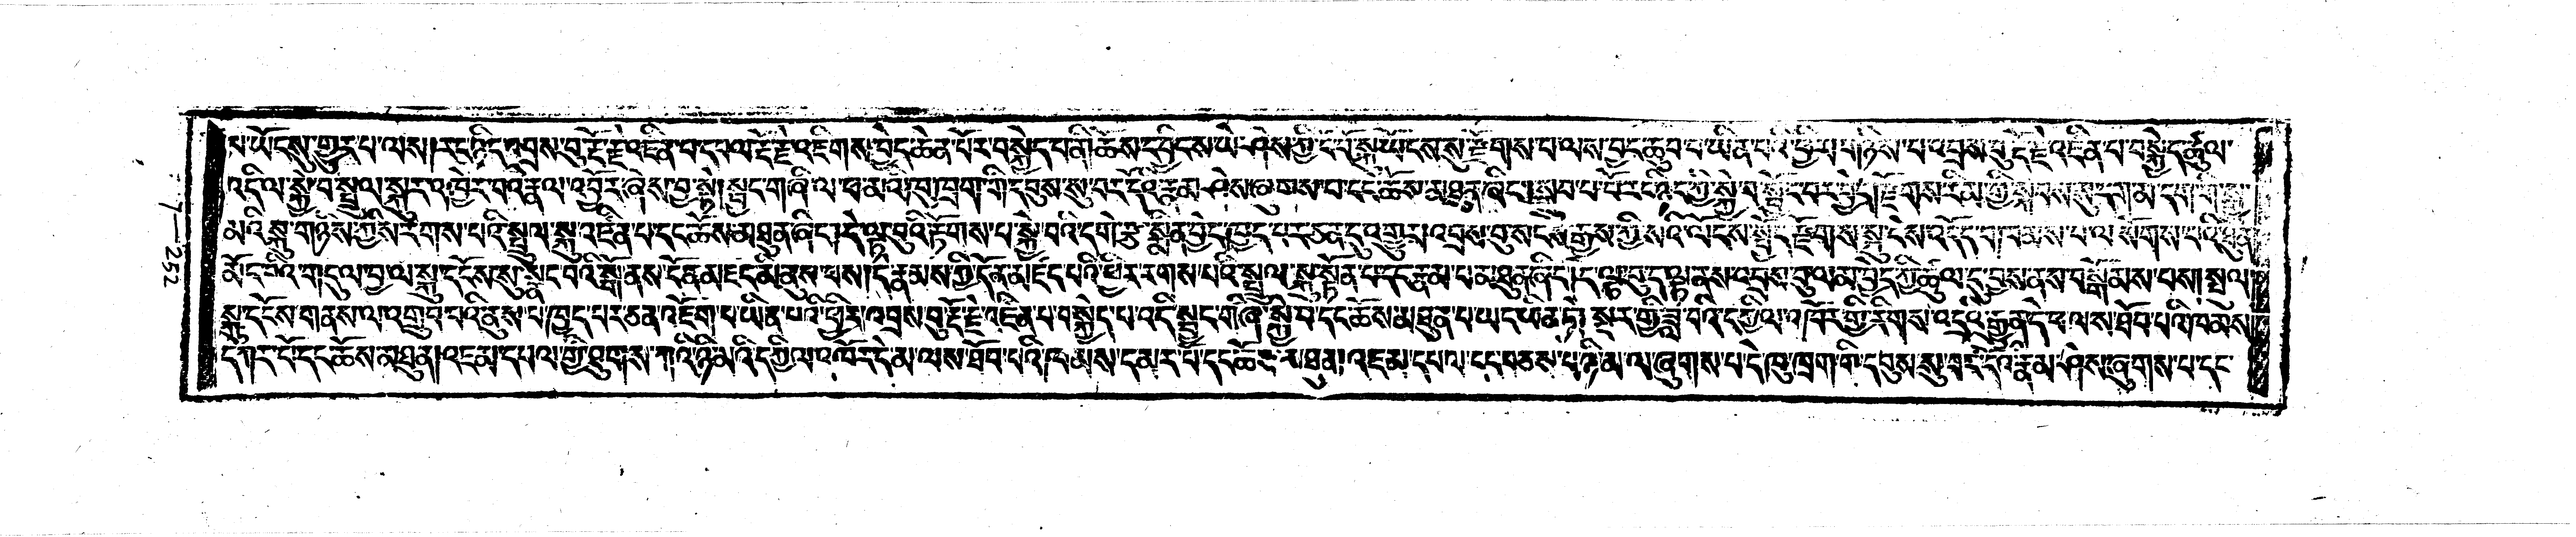པ་ཡོངས་སུ་གྱུར་བ་ལས། རང་ཉིད་འབྲས་བུ་རྡོ་རྗེ་འཛིན་པ་དཔལ་རྡོ་རྗེ་འཇིགས་བྱེད་ཆེན་པོར་བསྐྱེད་པ་ནི། ཆོས་དབྱིངས་ཡེ་ཤེས་ཀྱི་ངོ་བོ་སྐུ་ཡོངས་སུ་རྫོགས་པ་ལས་བྱང་ཆུབ་པ་ཡིན་པའི་ཕྱིར། གཉིས་པ་འབྲས་བུ་རྡོ་རྗེ་འཛིན་པ་བསྐྱེད་ཚུལ་
འདི་ལ་སྐྱེ་བ་སྤྲུལ་སྐུར་འཁྱེར་བའི་རྣལ་འབྱོར་ཞེས་བྱ་སྟེ། སྦྱང་གཞི་ལ་ཕ་མའི་ཁུ་ཁྲག་གི་དབུས་སུ་བར་དོའི་རྣམ་ཤེས་ཞུགས་པ་དང་ཆོས་མཐུན་ཞིང་། སྒྲུབ་པ་པོ་རང་ཉིད་ཀྱི་སྐྱེ་བ་སྦྱོང་པར་བྱེད། རྫོགས་རིམ་གྱི་སྐབས་སུ་དག་མ་དག་གི་སྒྱུ་
མའི་སྐུ་གཉིས་ཀྱིས་རགས་པའི་སྤྲུལ་སྐུ་འཛིན་པ་དང་ཆོས་མཐུན་ཞིང་། དེ་ལྟ་བུའི་རྟོགས་པ་སྐྱེ་པའི་དགེ་རྩ་སྨིན་བྱེད་ཁྱད་པར་ཅན་དུ་འགྱུར། འབྲས་བུ་སངས་རྒྱས་ཀྱི་སའི་ལོངས་སྤྱོད་རྫོགས་སྐུ་ངེས་འདོད་པ་ཁམས་པ་ལ་སོགས་པའི་ཐུན་
མོང་བའི་གདུལ་བྱ་ལ་སྐུ་དངོས་སུ་སྣང་བའི་སྒོ་ནས་དོན་མཛད་མི་ནུས་པས། དེ་རྣམས་ཀྱི་དོན་མཛད་པའི་ཕྱིར་རགས་པའི་སྤྲུལ་སྐུ་སྟོན་པ་དང་རྣམ་པ་མཐུན་ཞིང་། དེ་ལྟ་བུ་ད་ལྟ་ནས་འབྲས་བུ་ལམ་བྱེད་ཀྱི་ཚུལ་དུ་བགྱས་ནས་བསྒོམས་པས། སྤྲུལ་
སྐུ་དངོས་གནས་ལ་འགྲུབ་པའི་ནུས་པ་ཁྱད་པར་ཅན་འཇོག་པ་ཡིན་པའི་ཕྱིར། འབྲས་བུ་རྡོ་རྗེ་འཛིན་པ་བསྐྱེད་པ་འདི་སྦྱང་གཞི་སྐྱེ་བ་དང་ཆོས་མཐུན་པ་ཡང་ཡིན་ཏེ། སྔར་གྱི་ཟླ་བའི་དཀྱིལ་འཁོར་གྱི་རིགས་འདྲའི་རྒྱུན་དེ་ཕ་ལས་ཐོབ་པའི་ཁམས་
དཀར་པོ་དང་ཆོས་མཐུན། འཇམ་དཔལ་གྱི་ཐུགས་ཀའི་ཉི་མའི་དཀྱིལ་འཁོར་དེ་མ་ལས་ཐོབ་པའི་ཁམས་དམར་པོ་དང་ཆོས་མཐུན། འཇམ་དཔལ་དང་བཅས་པ་ཉི་མ་ལ་ཞུགས་པ་དེ་ཁུ་ཁྲག་གི་དབུས་སུ་བར་དོའི་རྣམ་ཤེས་ཞུགས་པ་དང་